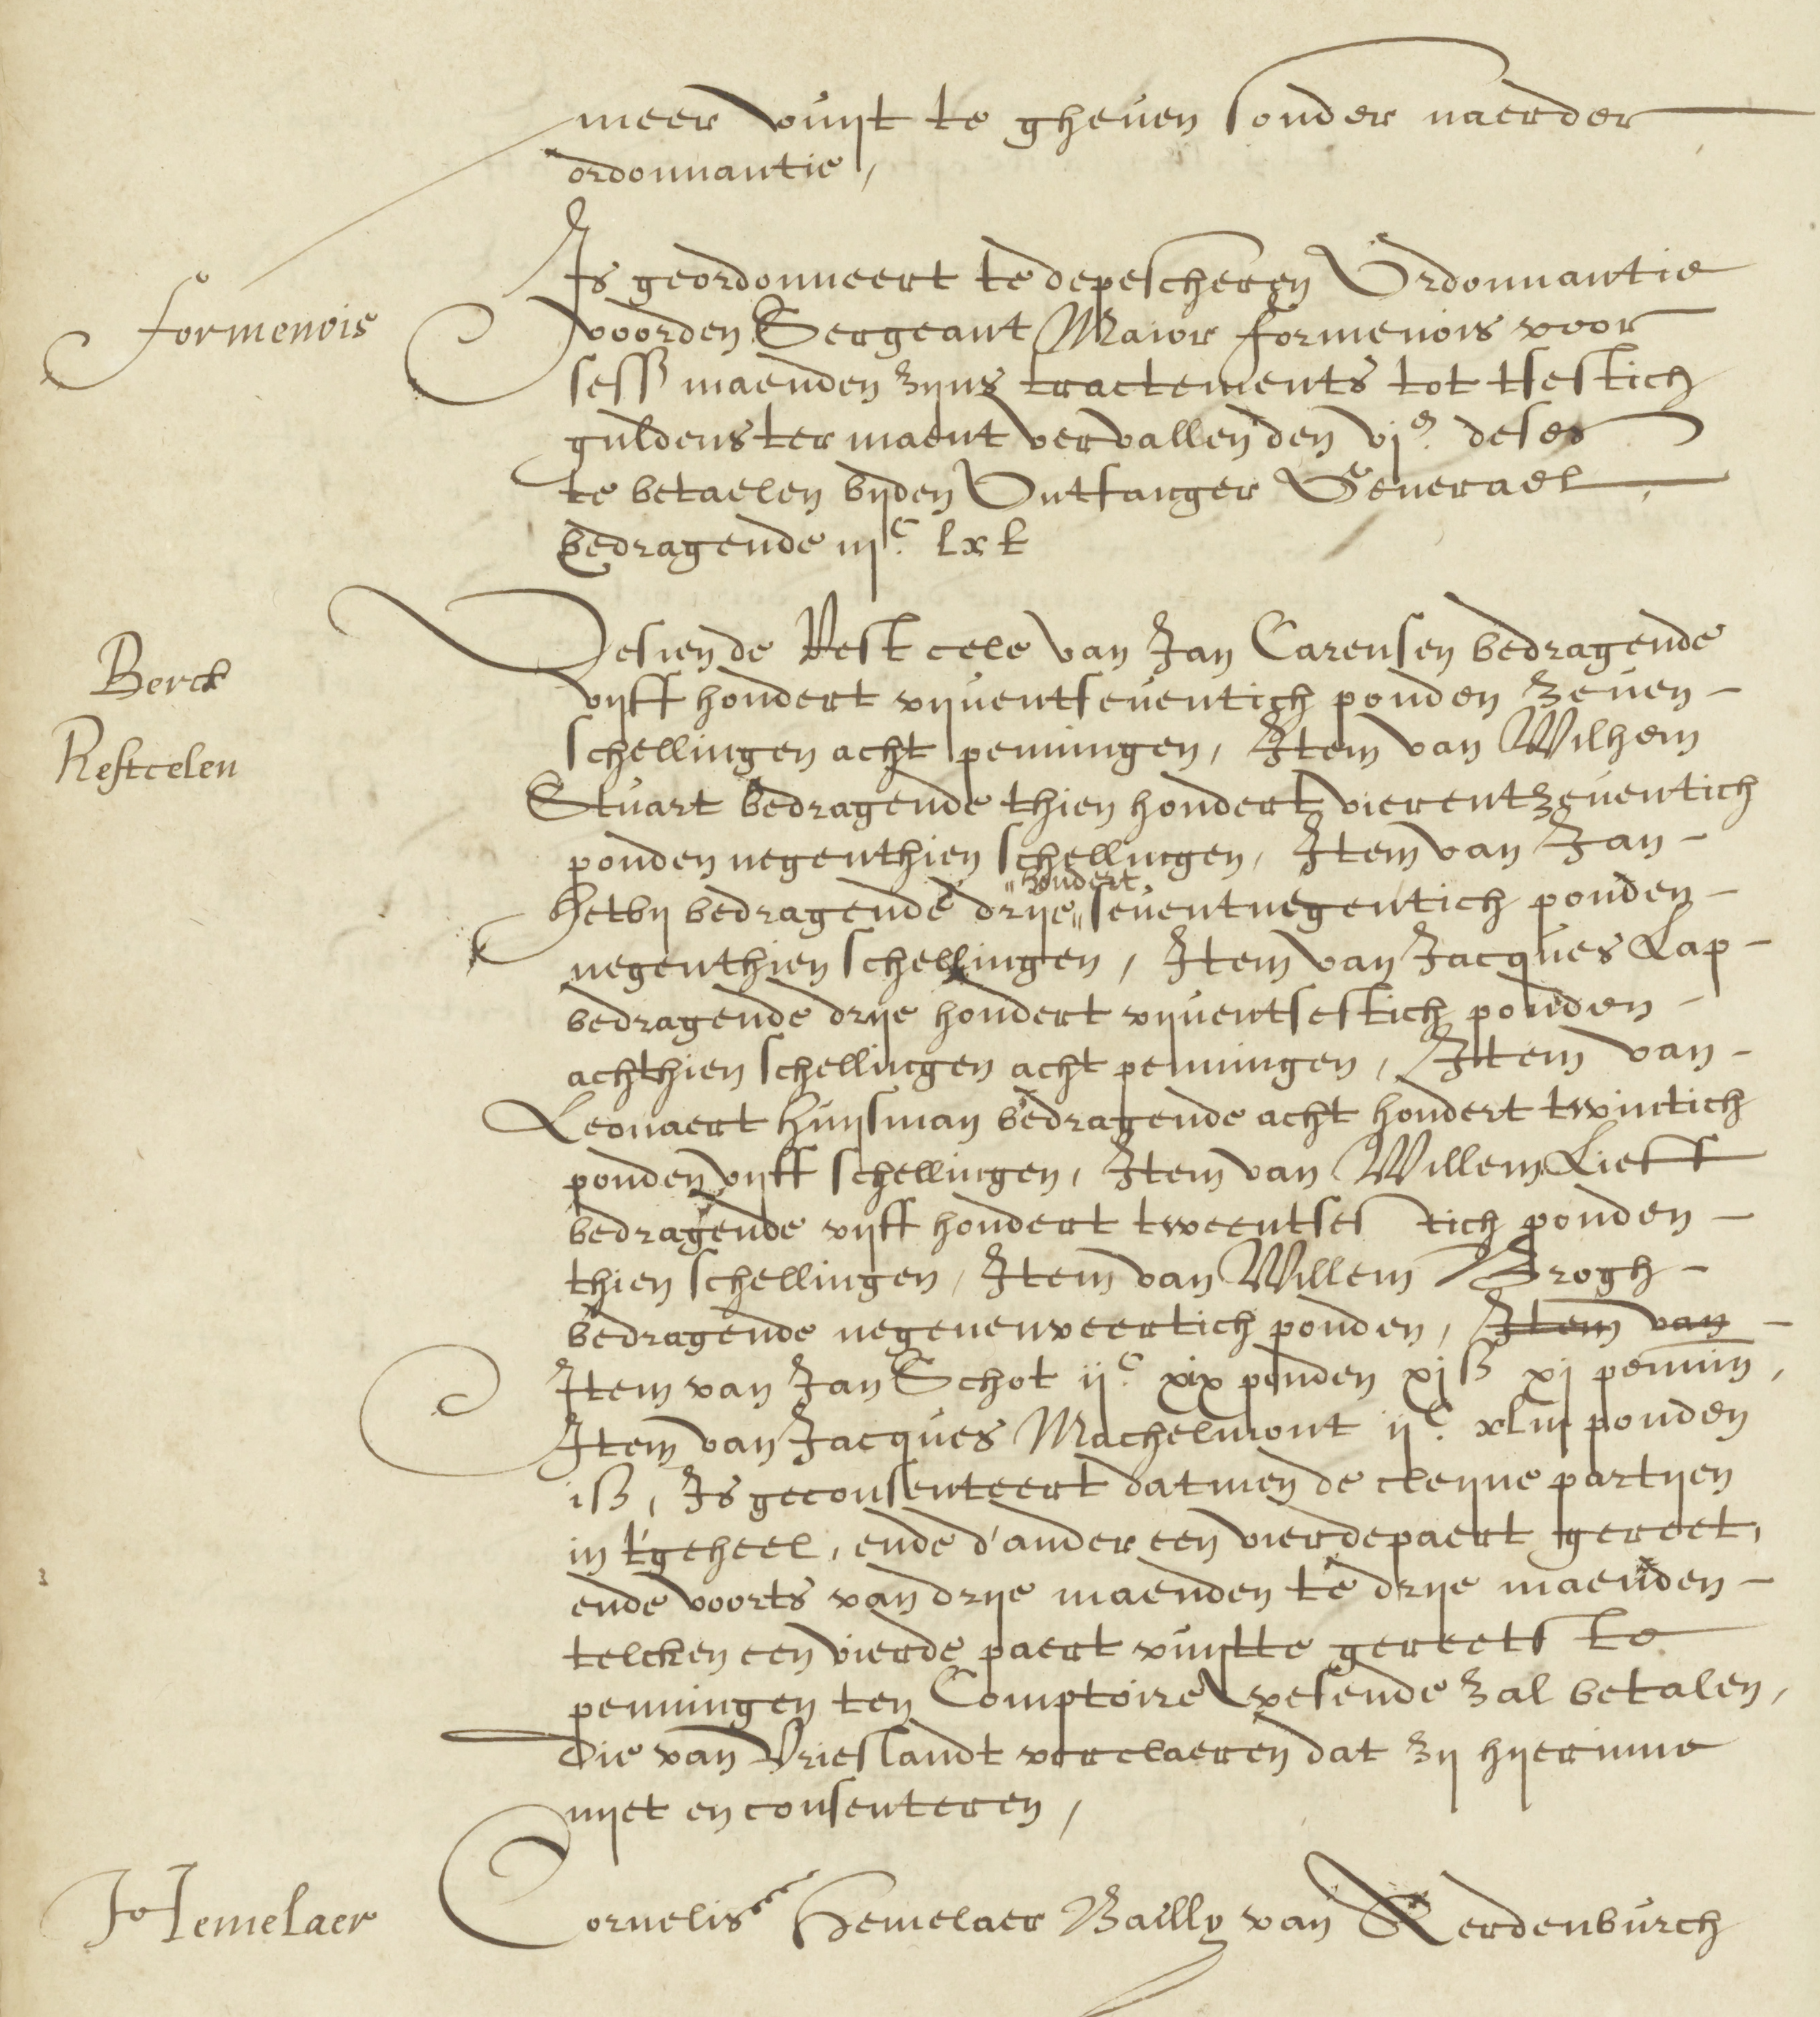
meer vuyt te gheuen sonder naerder
ordonnantie.
Formenois
Is geordonneert te depescheren Ordonnantie
voorden Sergeant Maior Formenois voor
sess maenden zijns tractements tot sestich
guldens ter maent vervallen den vje deses
te betaelen byden Ontfanger Generael
bedragende iije. lxL
Berck
Restcelen
Gesien de Restcele van Jan Carensen bedragende
vyff hondert vyuentseuentich ponden zeuen
schellingen acht penningen, Item van Wilhem
Stuart bedragende thien hondert vierentzeuentich
ponden negenthien schellingen, Item van Jan
,,Hondert.
Hetby bedragende drye,, seuentnegentich ponden
negenthien schellingen, Item van Jacques Lap
bedragende drye hondert vyuentsestich ponden
achthien schellingen acht penningen, Item van
Leonaert Huysman bedragende acht hondert twintich
ponden vyff schellingen, Item van Willem Lieff
bedragende vijff hondert tweentsestich ponden
thien schellingen, Item van Willem Brogh-
bedragende negenenveertich ponden, Item van
item van Jan Schot iic xix ponden xiß xi pennin
Item van Jacques Machelmont ijc. xliij ponden
iß, Is geconsenteert dat men de cleyne partyen
in tgeheel, ende d'ander een vierdepaert gereet,
ende voorts van drye maenden te drye maenden
telcken een vierde paert vuytte gereetste
penningen ten Comptoire wesende zal betalen,
die van Vrieslandt verclaeren dat zy hyerinne
nyet en consenteren.
Hemelaer
Cornelis Hemelaer Bailly van Aerdenburch
